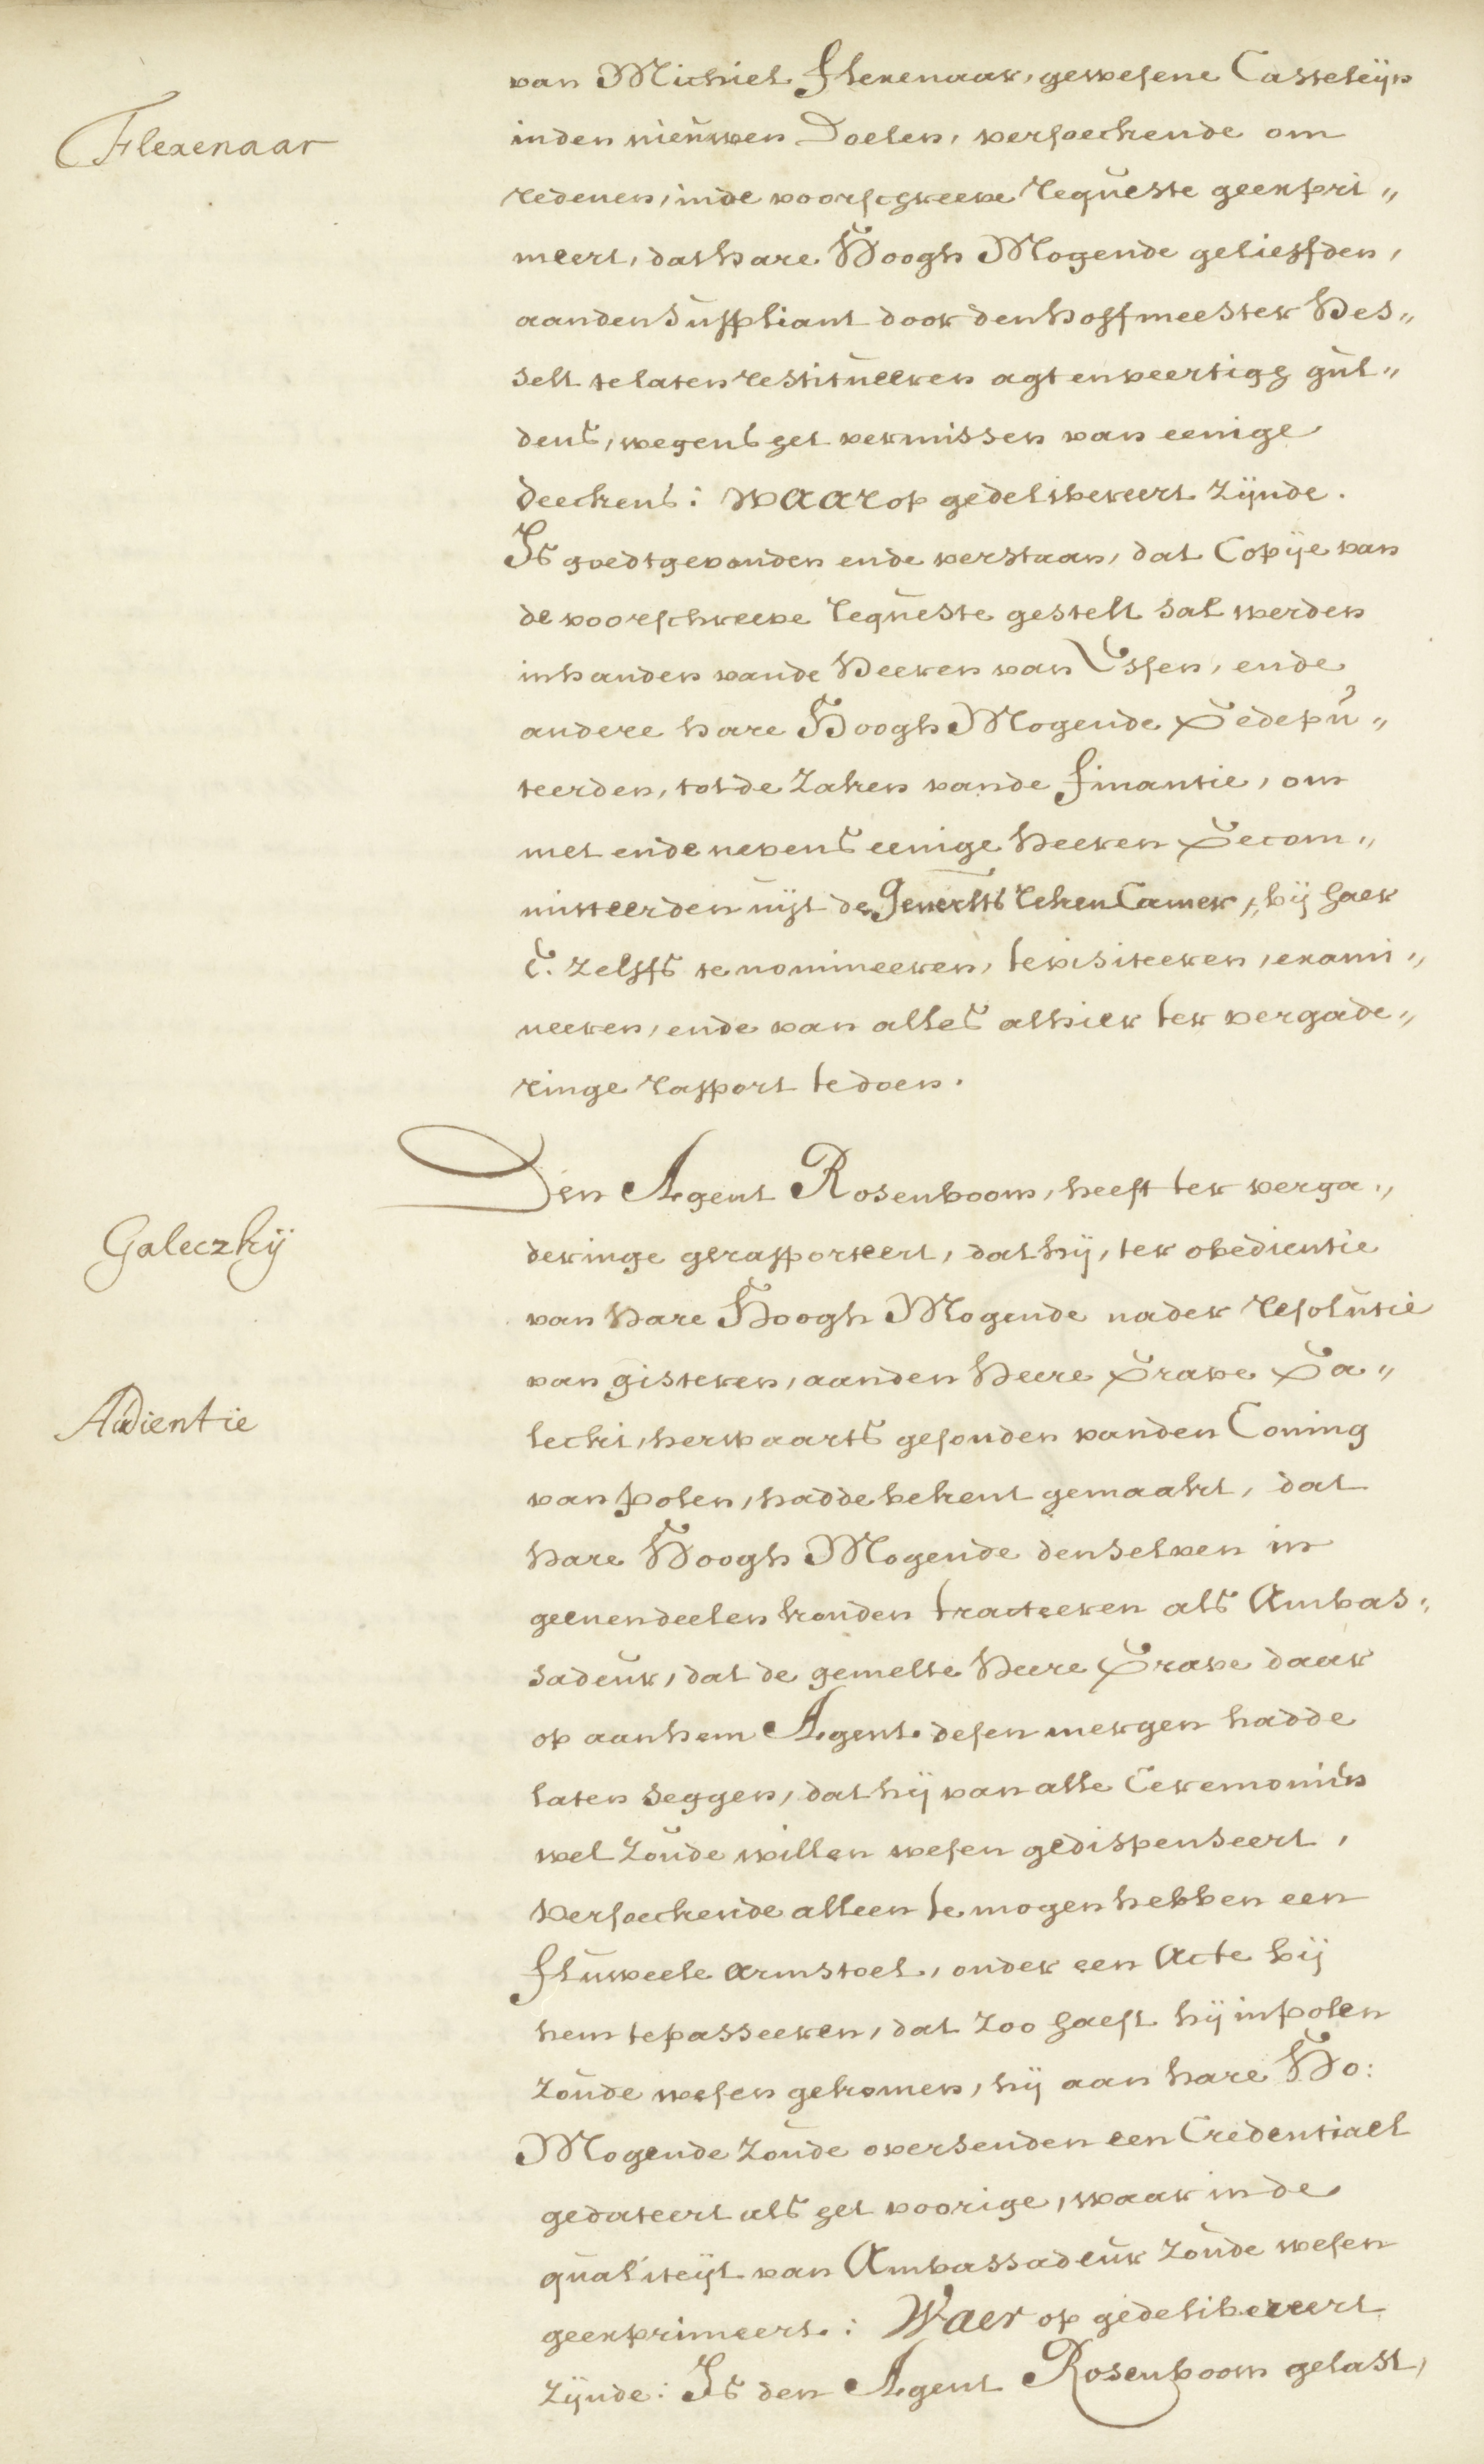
Flexenaar
van Michiel Flexenaar, gewesene Casseleijn
inden nieuwen Doelen, versoeckende om
redenen, inde voorschreeve requeste geexpri„
meert, dat haere Hoogh Mogende gelieffden,
aan den suppliant door den hoffmeester Hes„
selt te laten restitueeren agt en veertigh gul„
dens, wegens het vermissen van eenige
deeckens: Waarop gedelibereert zijnde,
Is goedtgevonden ende verstaan, dat Copije van
de voorschreeve Requeste gestelt sal werden
in handen vande Heeren van Essen, ende
andere haere Hooghe Mogende Gedepu„
teerden tot de zaken vande Finantie, om
met ende nevens eenige heeren Gecom„
mitteerden uijt de Generlts. Rekencamer, bij haer
E. zelffs te nomineeren te visiteeren, examin„
neeren ende van alles alhier ter vergade„
ringe rapport te doen.
Galeczkij
Audientie
Den Agent Rosenboom heeft ter verga„
deringe gerapporteert, dat hij ter obedientie
van Hare Hoogh Mogende nader resolutie
van gisteren, aanden Heere Grave Ga„
lecki herwaarts gesonden vanden Coning
van Polen, hadde bekent gemaakt, dat
hare Hoogh Mogende denselven in
geenendeelen konden tracteeren als Ambas„
sadeur, dat de gemelte Heere Grave daar
op aan hem Agent desen mergen hadde
laten seggen, dat hij van alle Ceremonien
wel zoude willen wesen gedispenseert,
versoeckende alleen te mogen hebben een
fluweele armstoel, onder een Acte bij
hem te passeeren, dat zoo haest hij in Polen
zoude wesen gekomen, hij aan hare Ho:
Mogende zoude oversenden een Credentiael
gedateert als het voorige, waar in de
qualiteijt van Ambassadeur zoude wesen
geexprimeert: Waer op gedelibereert
zijnde: Is van Agent Rosenboom gelast
